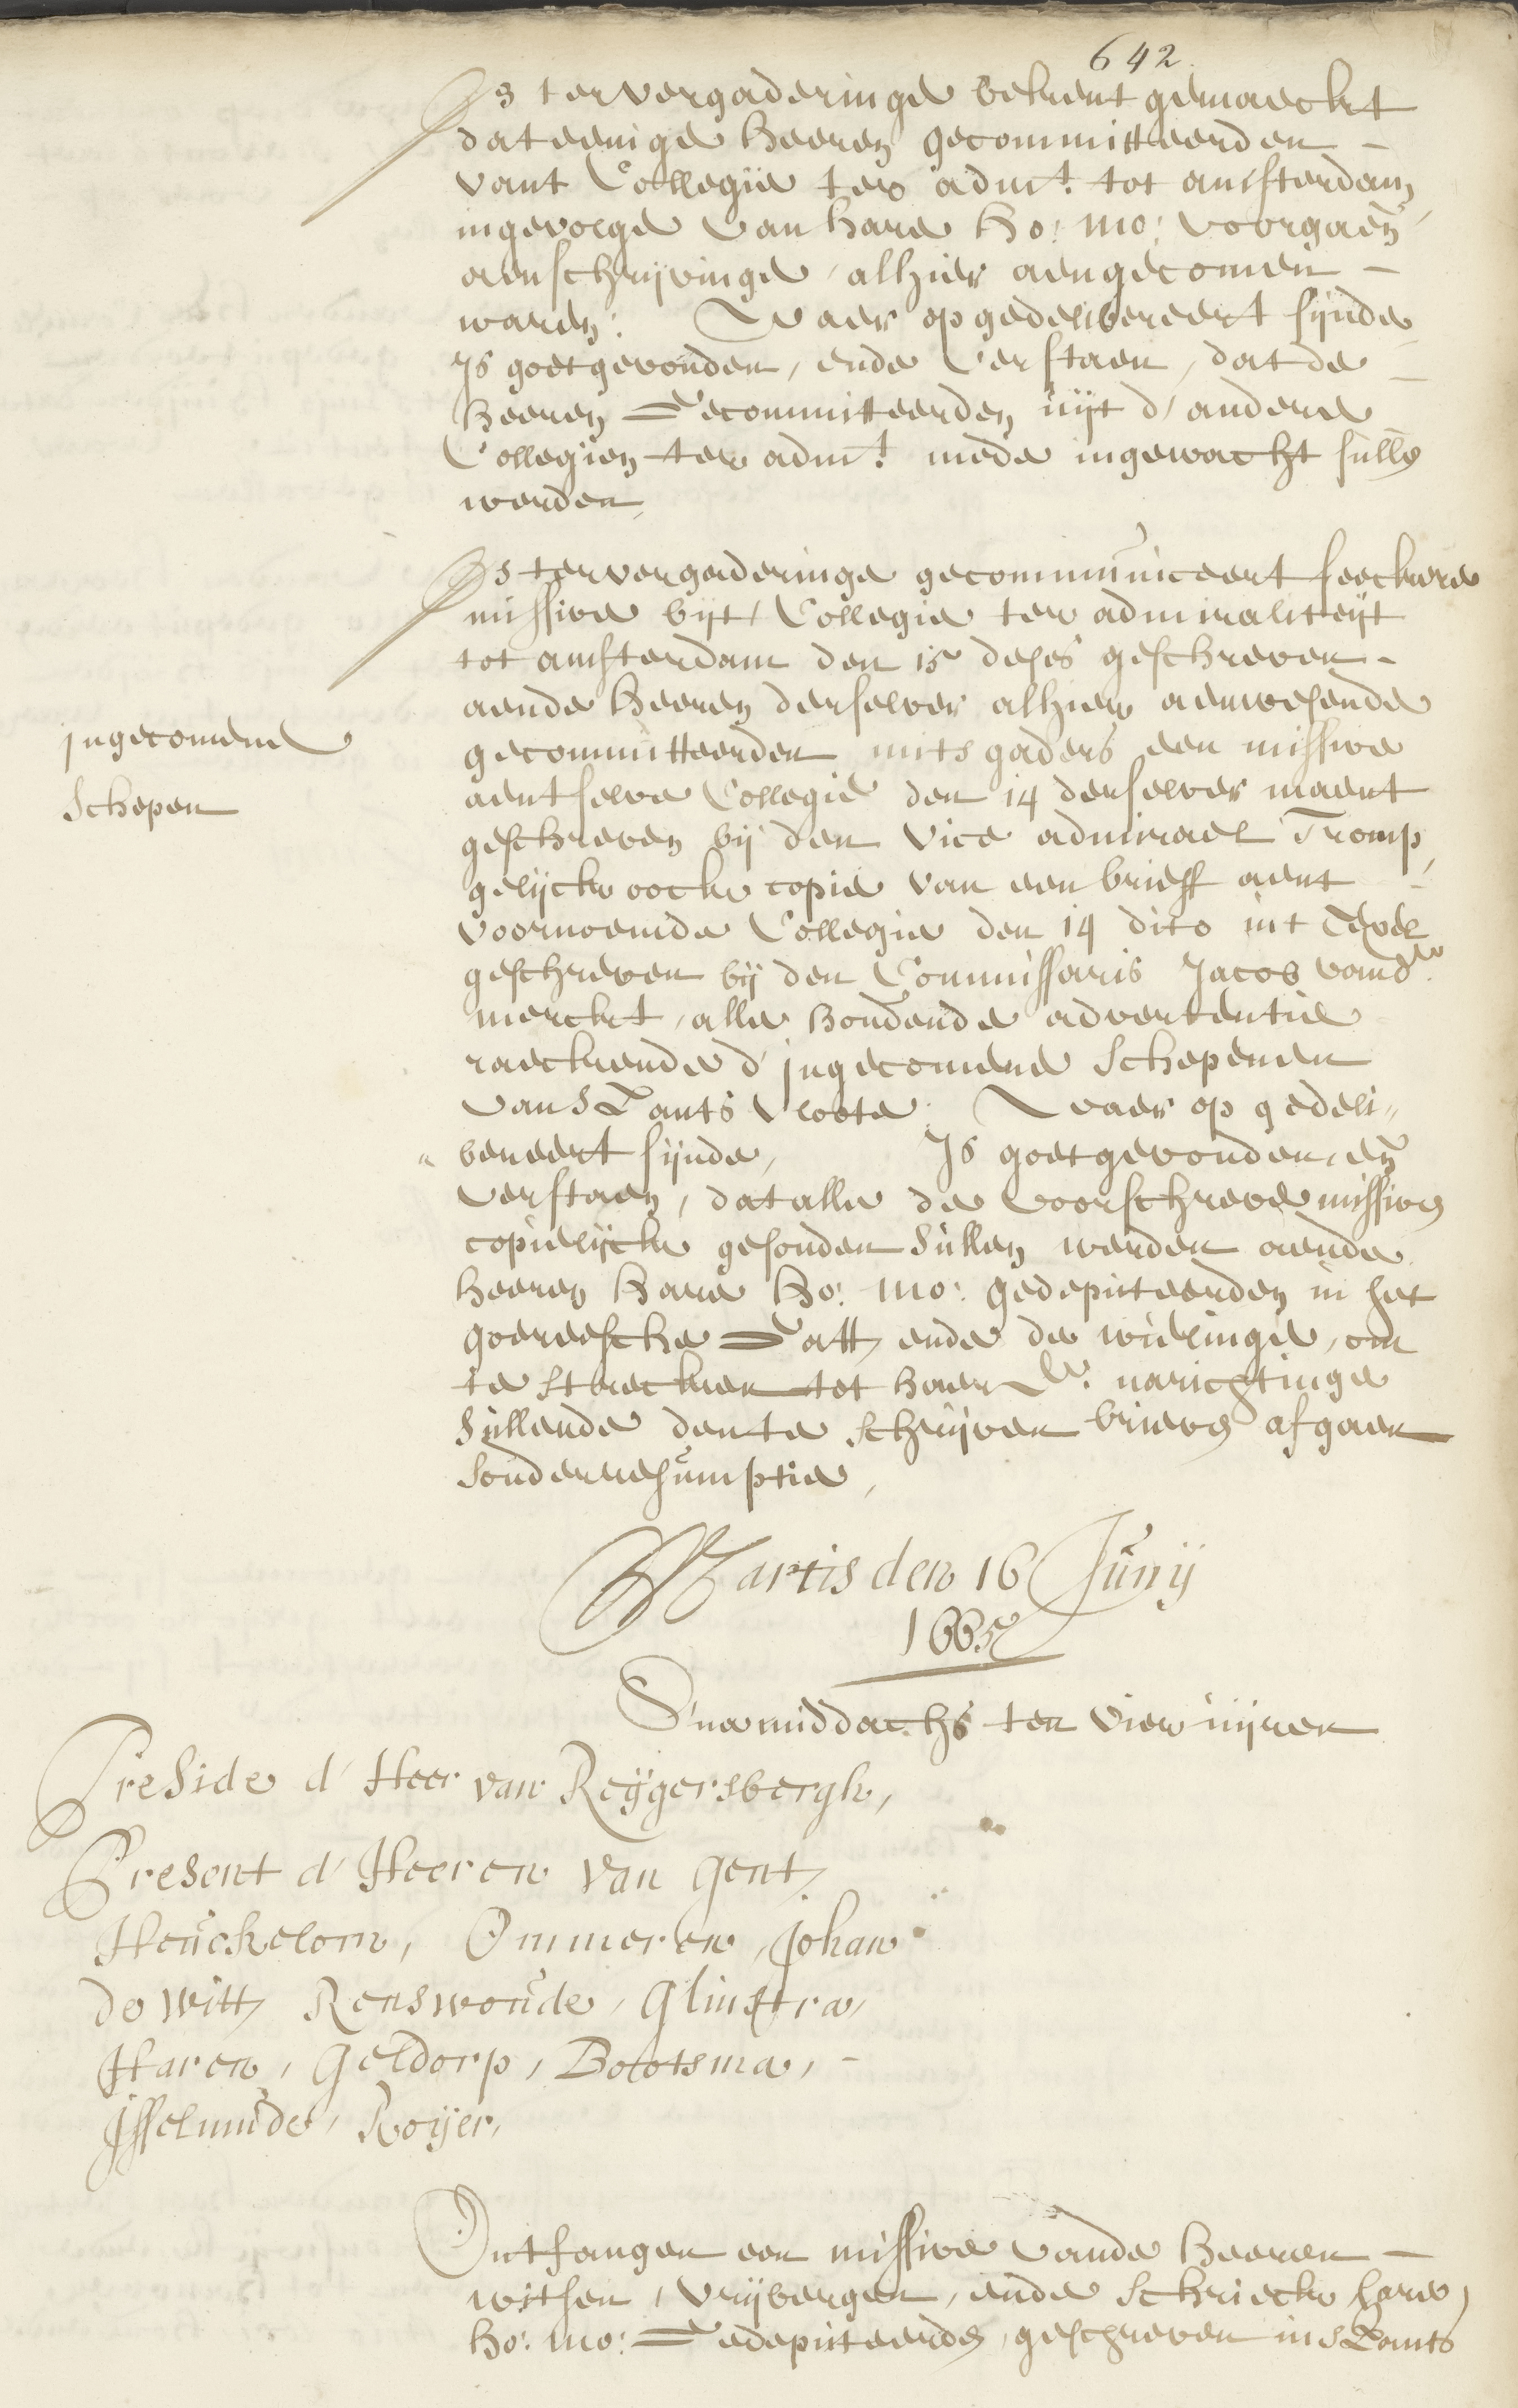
642.
Is ter vergaderinge bekent gemaeckt
dat eenige heeren gecommitteerden -
vant Collegie ter admt. tot Amsterdam,
ingevolge van hare Ho:Mo: voorgaen
aenschrijvinge, alhier aengecomen
waren: Waer op gedelibereert sijnde,
Is goetgevonden, ende verstaen, dat de
Heeren Gecommitteerden uijt d'andere
Collegien ter admt. mede ingewacht sullen
werden.
ingecomene
Schepen
Is ter vergaderinge gecommuniceert seeckere
missive bijt' Collegie ter admiraliteijt
tot amsterdam den 15 deses geschreven
aende Heeren derselver alhier aenwesende
gecommitteerden mitsgaders een missive
aent selve Collegie den 14 derselver maent
geschreven bij den Vice admirael Tromp,
gelijck oock copie van een brieff aent
voornoemde Collegie den 14 dito int Texel
geschreven bij den Commissaris Jacob vander
merckt, alle houdende advertentie
raeckende d'ingecomene schepenen
van sLants Vloote. Waer op gedeli„
„bereert sijnde, Is goetgevonden, en
verstaen, dat alle de voorschreve missiven
copielijck gesonden sullen werden aende
heeren hare Ho:Mo: Gedeputeerden in het
goereesche Gatt, ende de wielinge, om
te strecken tot haer E. narichtinge
sullende den te schrijven brieven afgaen
sonder resumptie.
Martis den 16 Junij
1665
S‛na middachs ten Vier uijren
Preside d'Heer van Reijgersbergh,
Present d'Heeren van Gent,
Heuckelom, Ommeren, Johan
de Witt, Renswoude, Glinstra,
Haren, Geldorp, Bootsma, -
Isselmude, Roijer,
Ontfangen een missive vande Heeren
witsen, Vrijbergen, ende Schrieck hare
Ho:Mo: Gedeputeerden, geschreven in sLants
